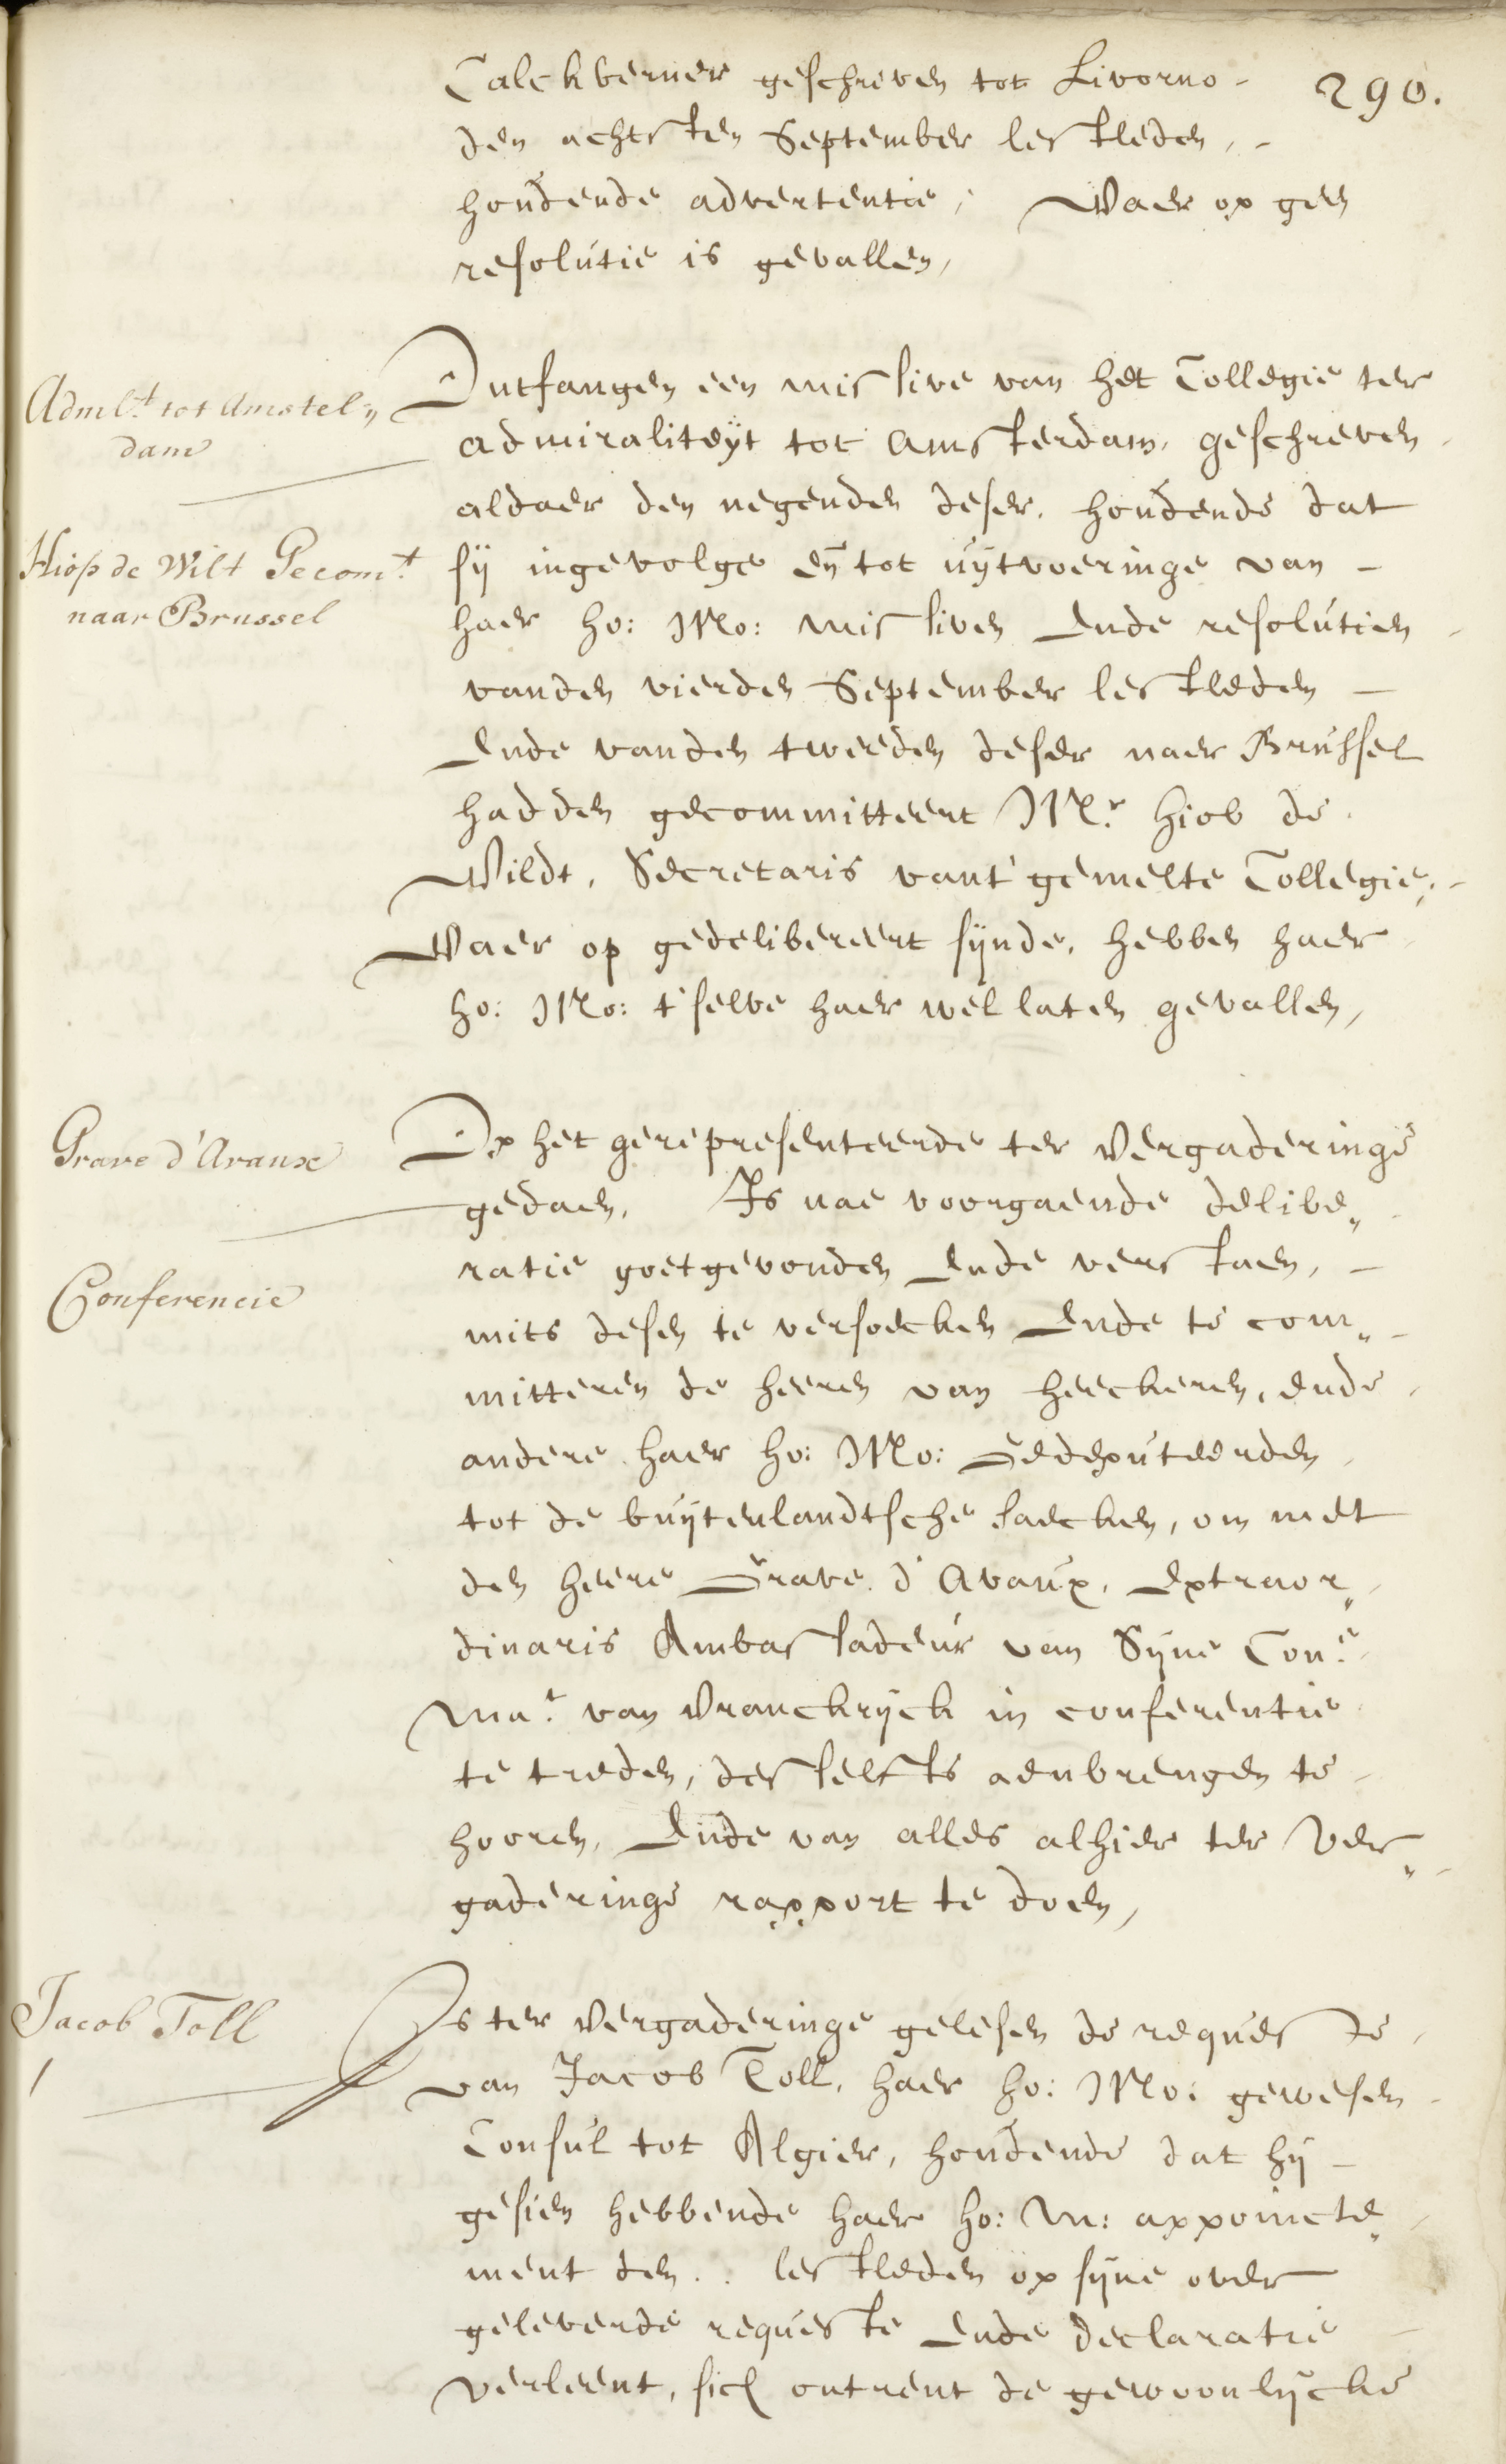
290.
Calckberner geschreven tot Livorno -
den achtsten September lestleden, -
houdende advertentie; Waer op geen
resolutie is gevallen.
Admlt. tot Amstel,,
dam
Hiop de Wilt Gecomt.
naar Brussel
Ontfangen een missive van het Collegie ter
admiraliteijt tot Amsterdam, geschreven
aldaer den negenden deser, houdende dat
sij ingevolge en tot uijtvoeringe van -
haer ho:Mo: missiven Ende resolutien
vanden vierden September lestleden —
Ende vanden tweeden deser naer Brussel
hadden gecommitteert Mr. hiob de
Wildt, Secretaris vant' gemelte Collegie;
Waer op gedelibereert sijnde, hebben haer
ho:Mo: t'selve haer wel laten gevallen.
Grave d'Avaux
Conferencie
Op het gerepresenteerde ter Vergaderinge
gedaen, Is nae voorgaende delibe,,
ratie goetgevonden Ende verstaen, -
mits desen te versoecken Ende te com,, -
mitteren de heeren van heeckeren, ende
andere haer ho:Mo: Gedeputeerden
tot de buijtenlandtsche saecken, om met
den heere Grave d'Avaux, Extraor„
dinaris Ambassadeur van Sijne Cone.
Mat. van Vranckrijck in conferentie
te treden, desselffs aenbrengen te
hooren, Ende van alles alhier ter ver,,
gaderinge rapport te doen.
Jacob Toll
Is ter Vergaderinge gelesen de requeste
van Jacob Toll, haer ho:Mo: gewesen
Consul tot Algier, houdende dat hij -
gesien hebbende haer ho:M: appoincte„
ment den.. lestleden op sijne over
geleverde requeste Ende declaratie
verleent, sich ontrent de gewoonlijcke
